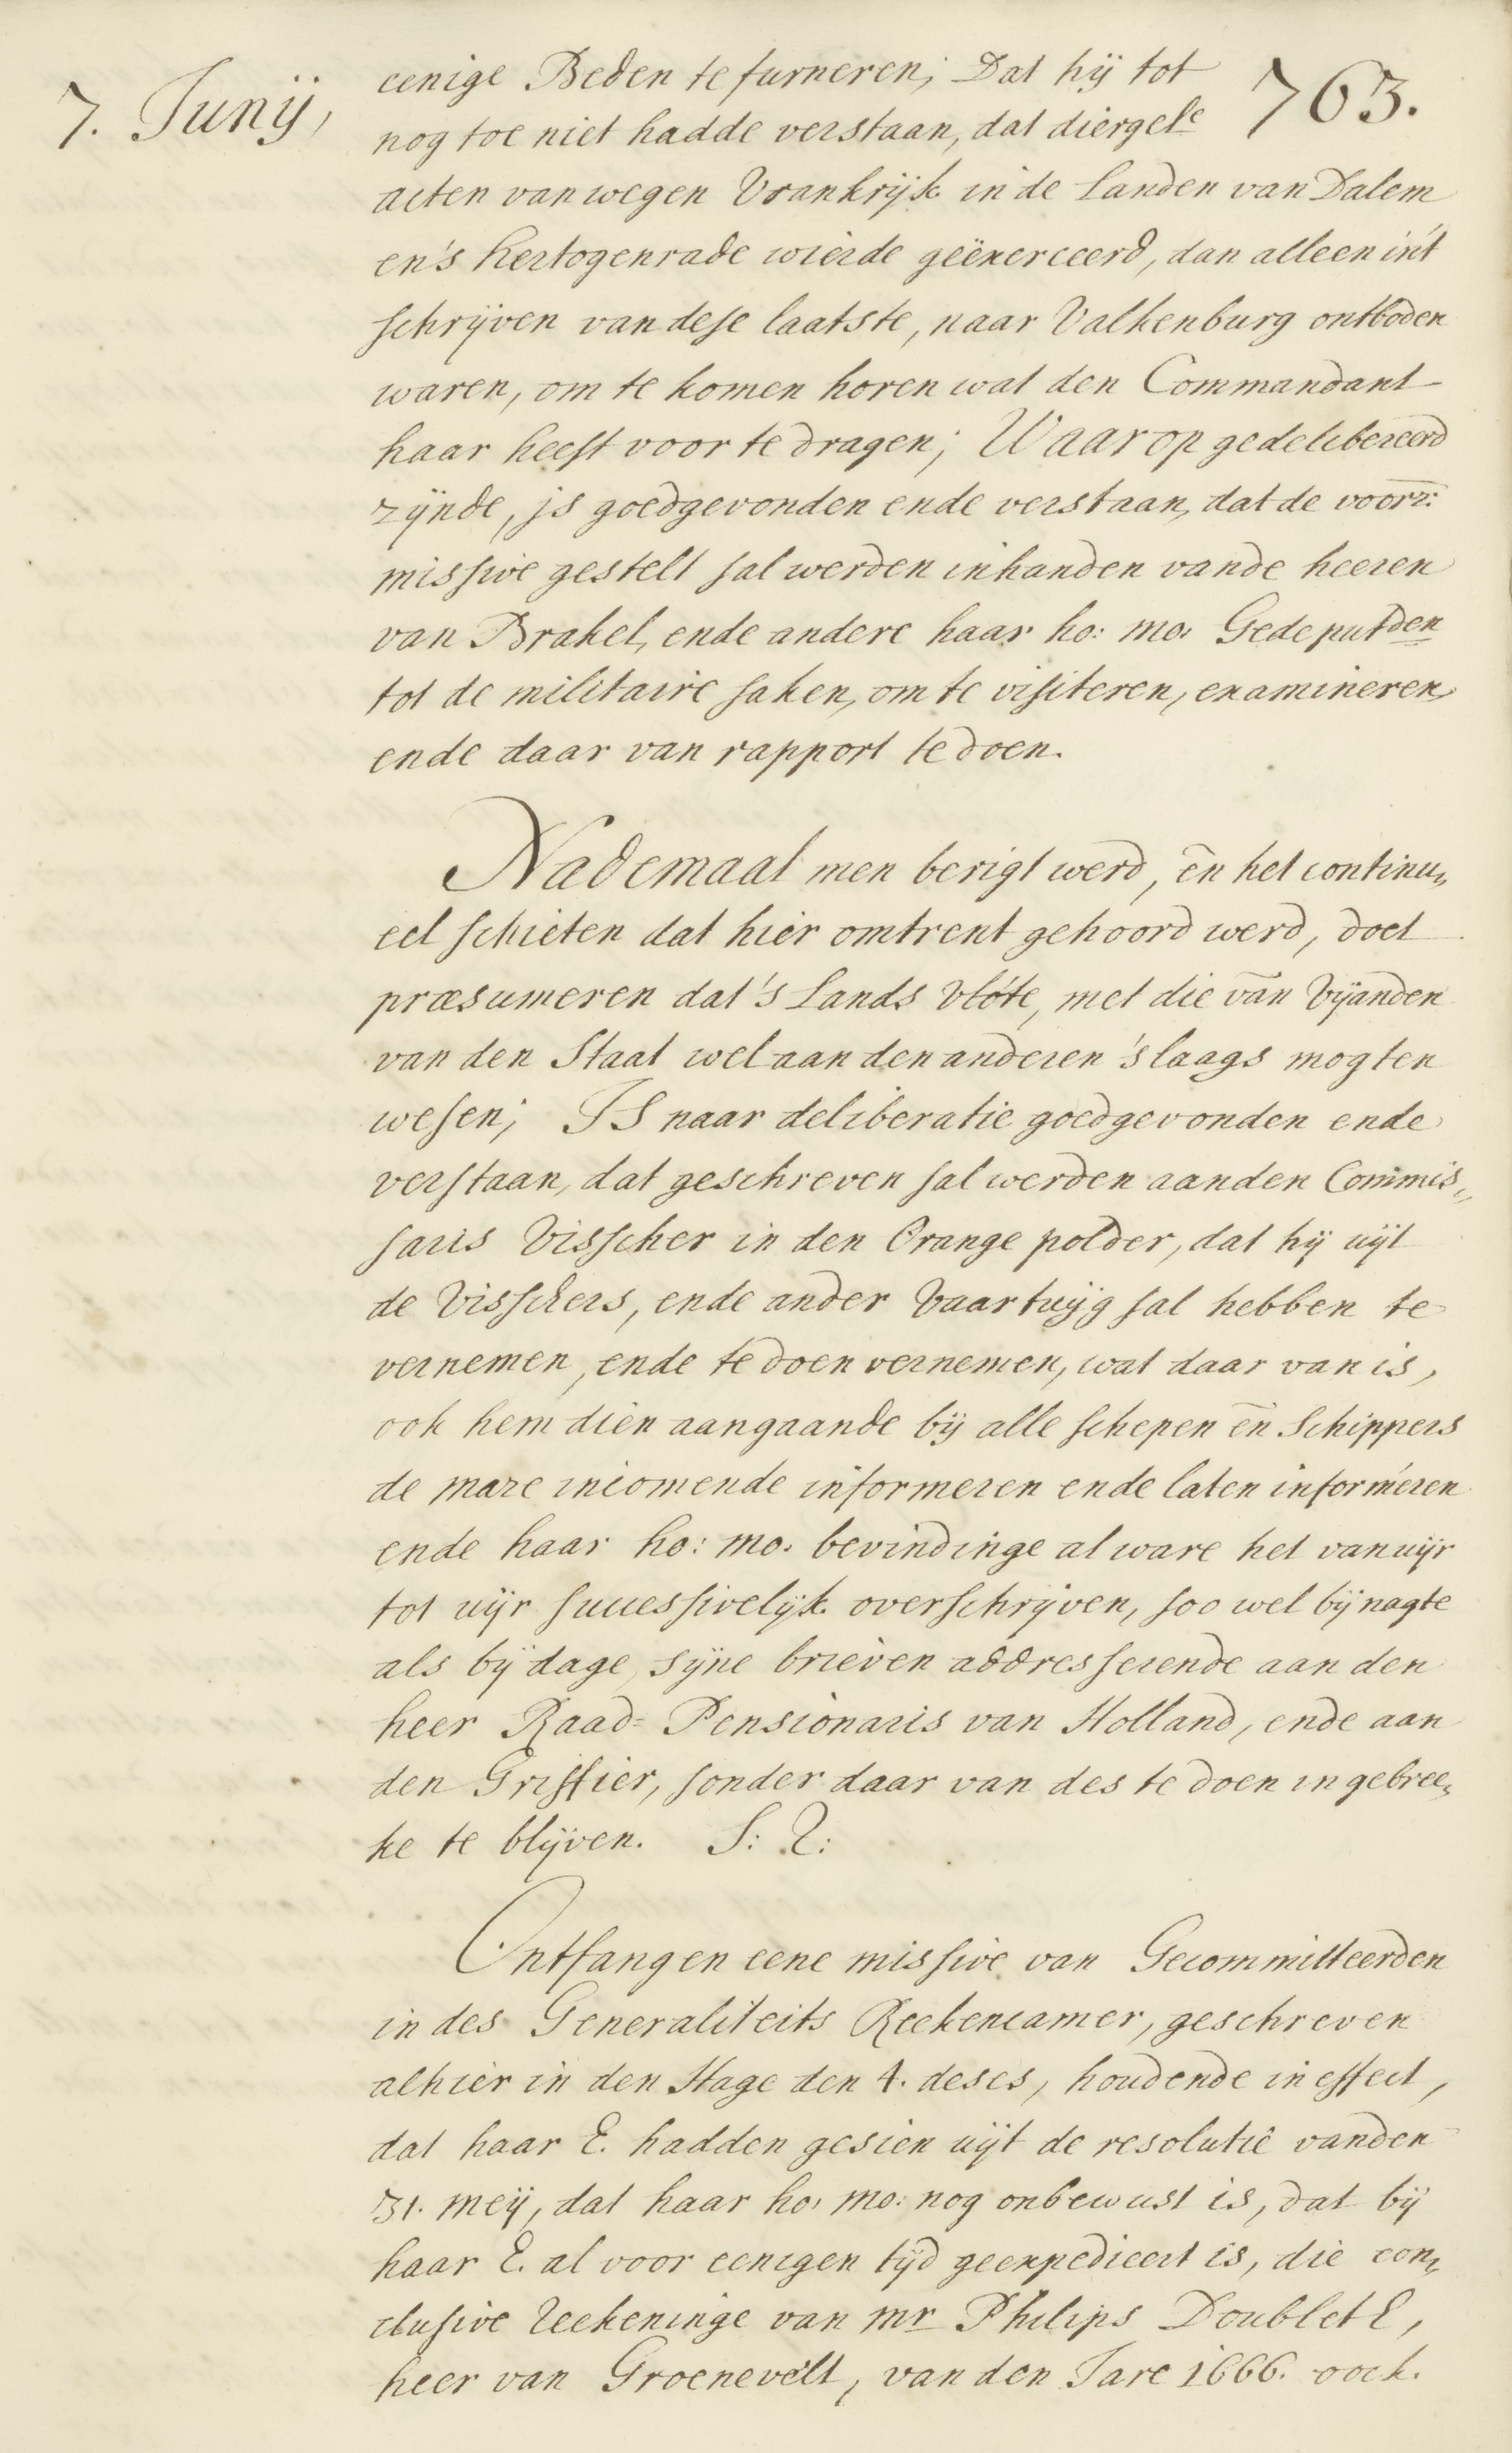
763.
7. Junij,
eenige Beden te furneren; Dat hij tot
nog toe niet hadde verstaan, dat diergele
acten van wegen Vrankrijk in de landen van Dalem
en's hertogenrade wierde geëxerceerd, dan alleen in't
schrijven van dese laatste, naar Valkenburg ontboden
waren, om te komen horen wat den Commandant
haar heeft voor te dragen; Waarop gedelibereerd
zijnde, is goedgevonden ende verstaan, dat de voorz:
missive gestelt sal werden in handen vande heeren
van Brakel, ende andere haar ho:mo: Gedeputden
tot de militaire saken, om te visiteren, examineren,
ende daar van rapport te doen.
Nademaal men berigt werd, en het continu„
eel schieten dat hier omtrent gehoord werd, doet
præsumeren dat 's Lands vlote, met die van vijanden
van den Staat wel aan den anderen 'slaags mogten
wesen; Is naar deliberatie goedgevonden ende
verstaan, dat geschreven sal werden aan den Commis„
saris visscher in den Orange polder, dat hij uijt
de visschers, ende ander vaartuijg sal hebben te
vernemen, ende te doen vernemen, wat daar van is,
ook hem dien aangaande bij alle schepen en schippers
de mare incomende informeren ende laten informeren
ende haar ho:mo: bevindinge al ware het van uijr
tot uijr successivelijk overschrijven, soo wel bij nagte
als bij dage, sijne brieven addresserende aan den
heer Raad= Pensionaris van Holland, ende aan
den Griffier, sonder daar van des te doen in gebree„
ke te blijven. S: R:
Ontfangen eene missive van Gecommitteerden
in des Generaliteits Reekenkamer, geschreven
alhier in den Hage den 4. deses, houdende in effect,
dat haar E. hadden gesien uijt de resolutie vanden
31. meij, dat haar ho:mo: nog onbewust is, dat bij
haar E. al voor eenigen tijd geexpedieert is, die con„
clusive reekeninge van mr Philips Doubleth,
heer van Groenevelt, van den Jare 1666. oock
